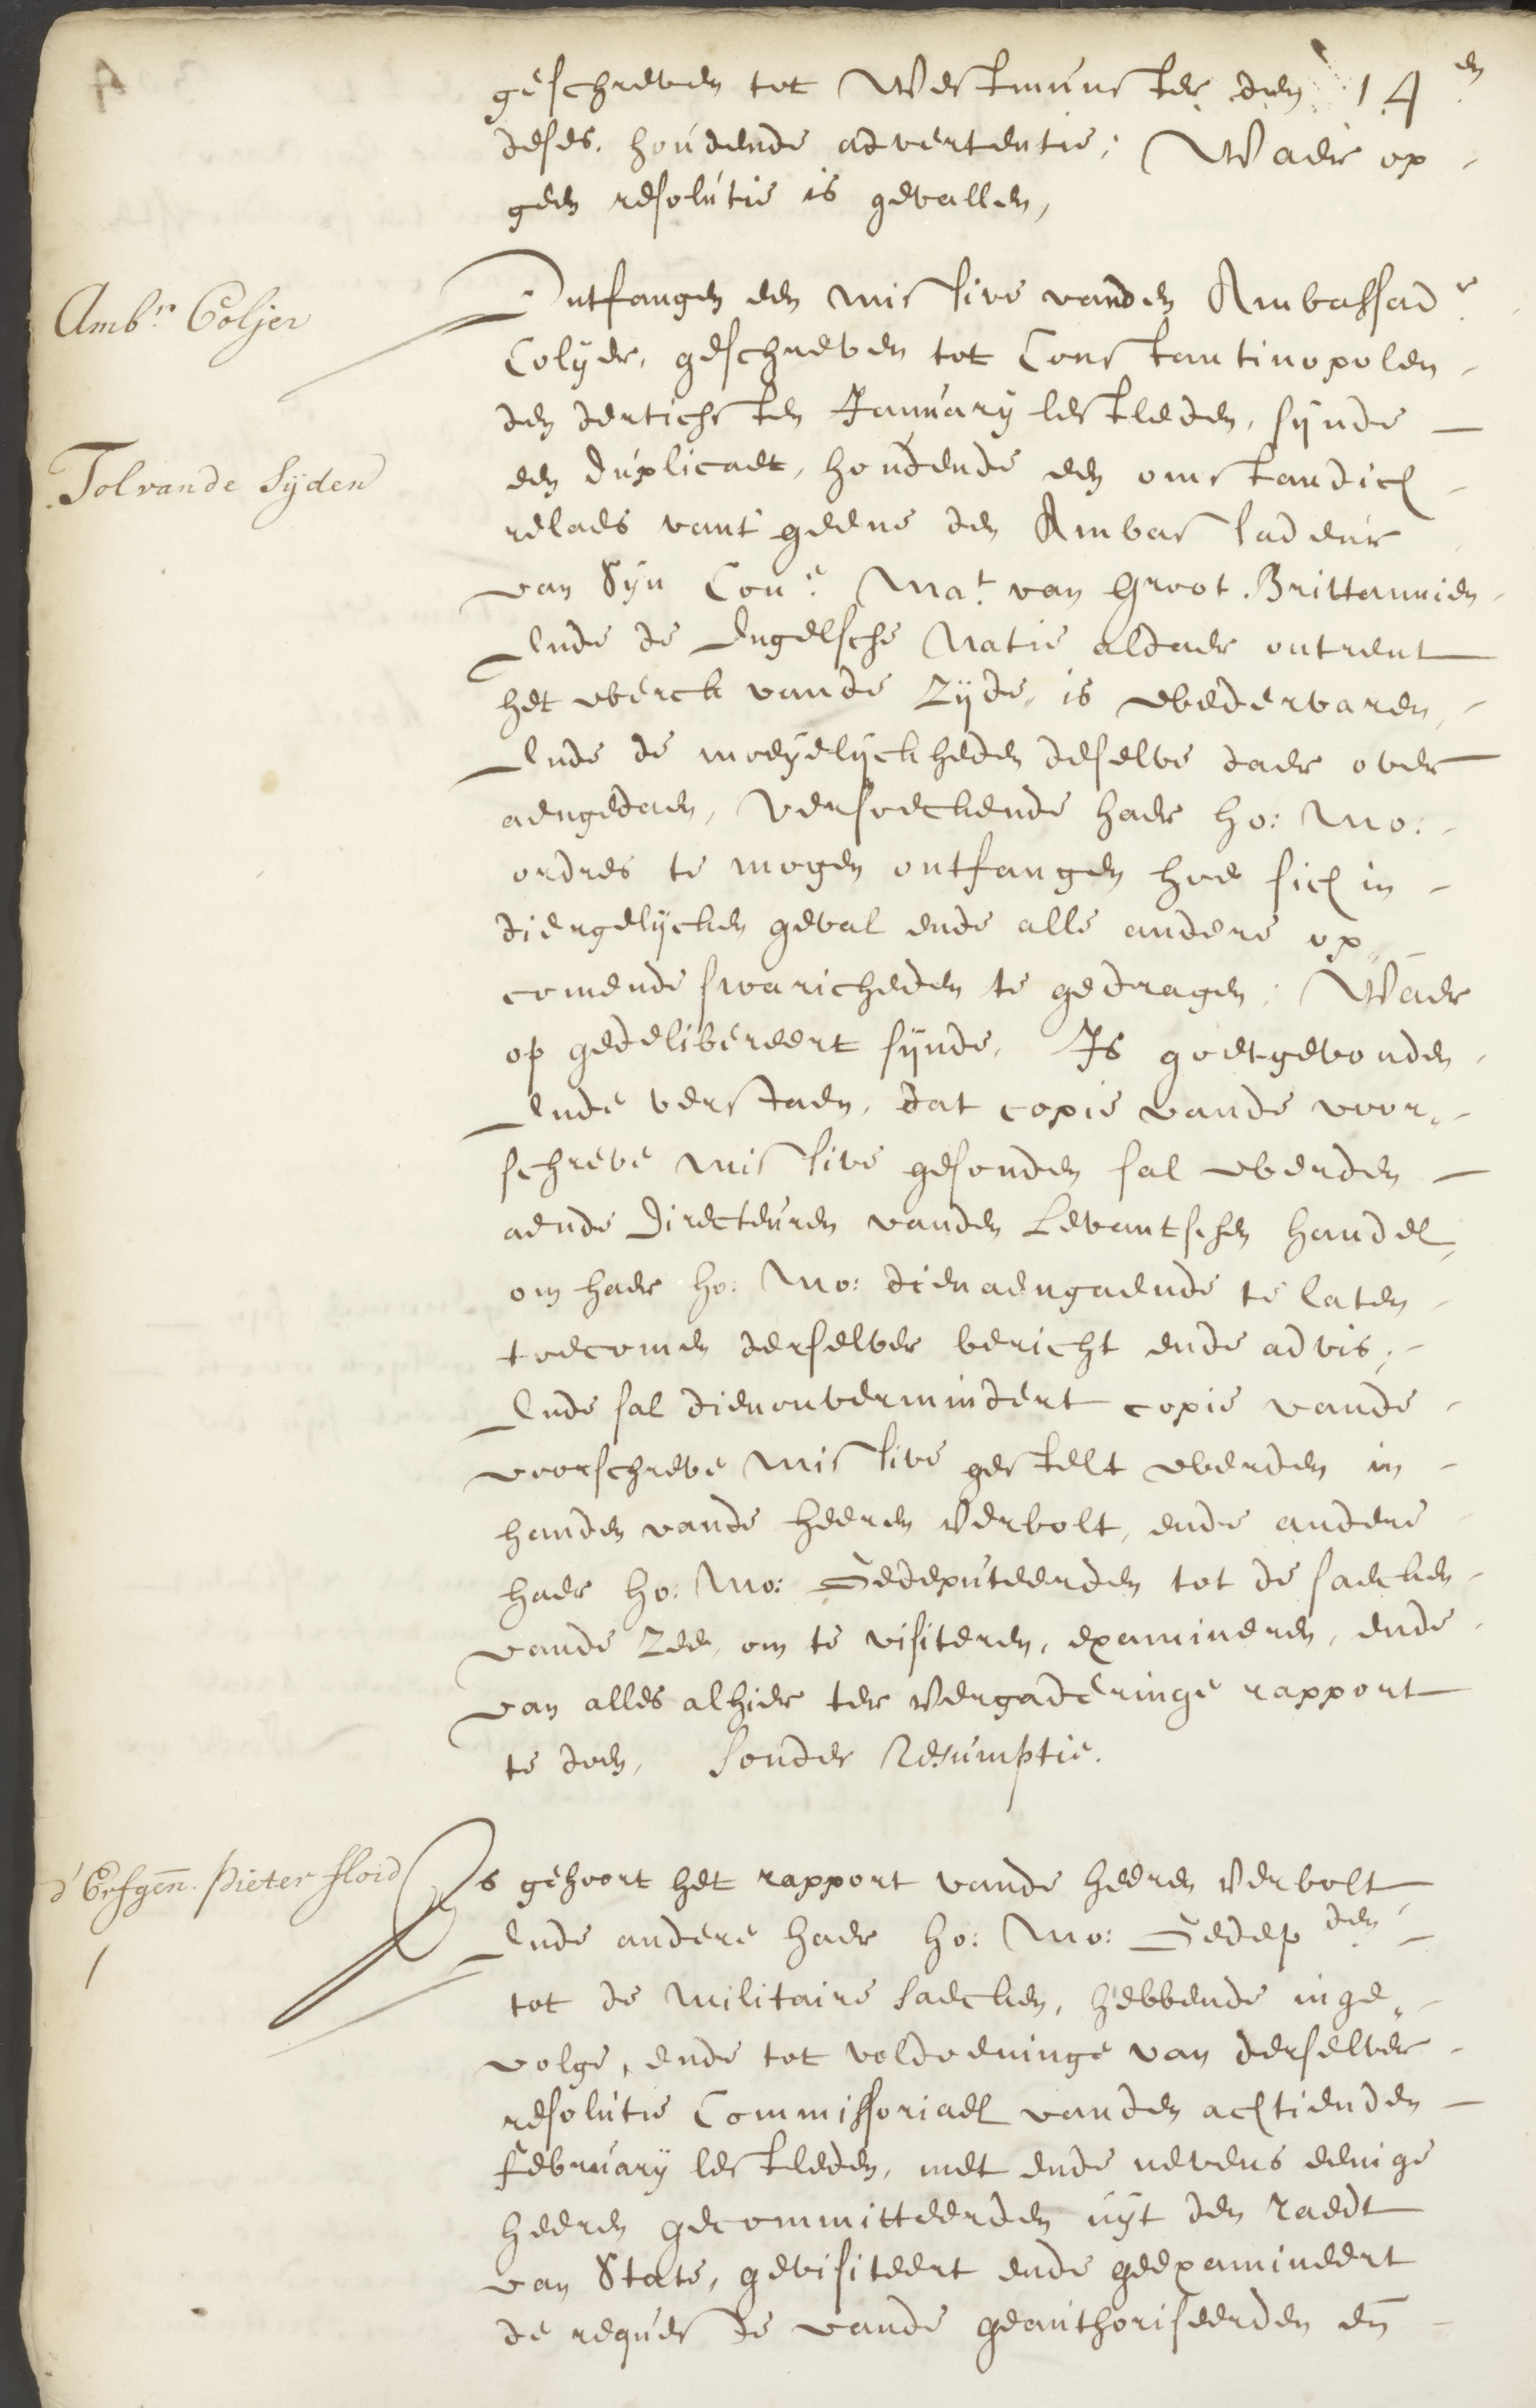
geschreven tot Westminster den 14en
deses houdende advertentie: Waer op
geen resolutie is gevallen.
Ambr Coljer
Tol vande Sijden
Ontfangen een missive vanden Ambassadr.
Colijer, geschreven tot Constantinopolen
den dertichsten Januarij lestleden, sijnde
een duplicaet, houdende een omstandich
relaes vant geene den Ambassadeur
van Sijn Cone. Mat. van Groot Brittanien
ende de Engelsche natie aldaer ontrent
het werck vande Zijde is wedervaren
ende de moeijelijckheden deselve daer over
aengedaen, versoeckende haer Ho:Mo:
ordres te mogen ontfangen hoe sich in
diergelijcken geval ende alle andere op„
comdende swaricheden te gedragen; Waer
op gedelibereert sijnde, Is goetgevonden
ende verstaen dat copie vande voor„
schreve missive gesonden sal werden
aende Directeuren vanden Levantschen handel
om haer Ho:Mo: dienaengaende te laten
toeceomen derselver bericht ende advis
ende sal dien onvermindert copie vande
voorschreve missive gestelt werden in
handen vade heeren Verbolt ende andere
haer Ho:Mo: Gedeputeerden tot de saecken
vande Zee om te visiteren, examineren, ende
van alles alhier ter vergaderinge rapport
te doen, sonder resumptie.
d'Erfgen. Pieter floid
Is gehoort het rapport vande heeren Verbolt
ende andere haer Ho:Mo: Gedepden
tot de militaire saecken, hebbende inge„
volge, ende tot voldoeninge van derselver
resolutie Commissoriael van den achtienden
februarij lestleden, met ende nevens eenige
heeren gecommitteerden uijt den raedt
van State, gevisiteert ende geexamineert
de requeste vande geauthoriseerden en
